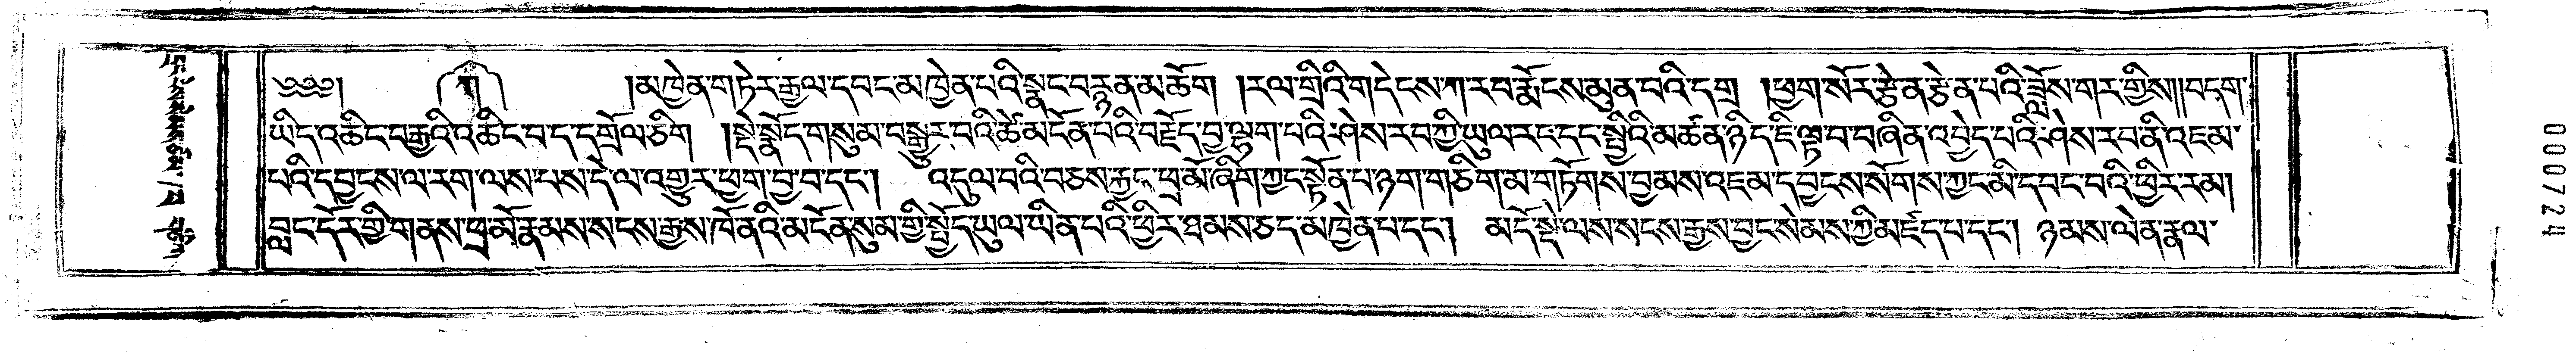༄༅༅། ༼ཀ༽ །མཁྱེན་གཏེར་རྒྱལ་དབང་མཁྱེན་པའི་སྣང་བརྙན་མཆོག །རལ་གྲིའི་གདེངས་ཀ་རབ་རྨོངས་མུན་པའི་དགྲ་།ཕྱག་སོར་རྩེ་ན་རྩེན་པའི་ཟློས་གར་གྱིས། །བདག་
ཡིད་འཆིང་བརྒྱའི་འཆིང་བ་ད་དགྲོལ་ཅིག །སྡེ་སྣོད་གསུམ་བསྒྱུར་བའི་ཚེ་མངོན་པའི་བརྗོད་བྱ་ལྷག་པའི་ཤེས་རབ་ཀྱི་ཡུལ་རང་དང་སྤྱིའི་མཚན་ཉིད་ཇི་ལྟ་བ་བཞིན་འབྱེད་པའི་ཤེས་རབ་ནི་འཇམ་
པའི་དབྱངས་ལ་རག་ལས་པས་དེ་ལ་འགྱུར་ཕྱག་བྱ་བ་དང་། འདུལ་བའི་བཅས་རྐྱང་ཕྲ་མོ་ཞིག་ཀྱང་སྟོན་པ་ཉག་གཅིག་མ་གཏོགས་བྱམས་འཇམ་དབྱངས་སོགས་ཀྱང་མི་དབང་བའི་ཕྱིར་རམ།
བླང་དོར་གྱི་གནས་ཕྲ་མོ་རྣམས་སངས་རྒྱས་ཁོ་ནའི་མངོན་སུམ་གྱི་སྤྱོད་ཡུལ་ཡིན་པའི་ཕྱིར་ཐམས་ཅད་མཁྱེན་པ་དང་། མདོ་སྡེ་ལས་སངས་རྒྱས་བྱང་སེམས་ཀྱི་མཛད་པ་དང་། ཉམས་ལེན་རྣལ་